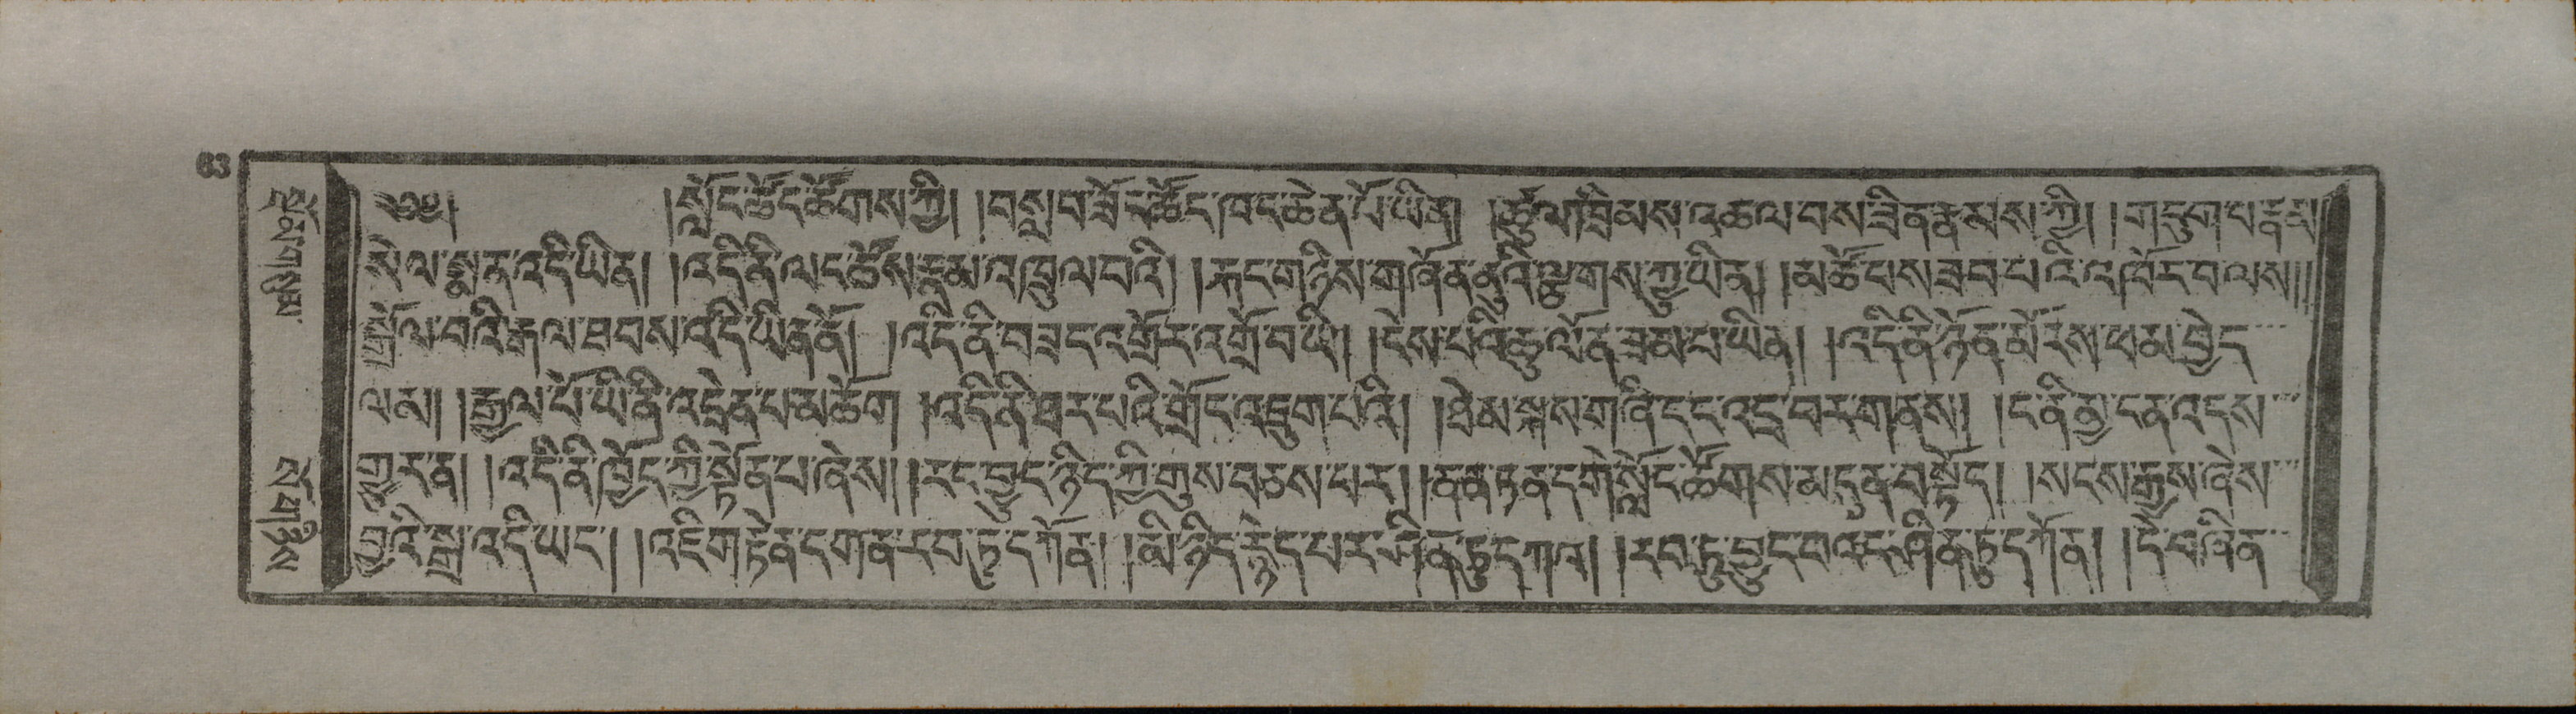༄༅། །སློང་ཚོང་ཚོགས་ཀྱི། །བསླབ་ཟོད་ཟོང་ཚོང་ཁང་ཆེན་པོ་ཡིན། །ཚུལ་ཁྲིམས་འཆལ་བས་ཟིན་རྣམས་ཀྱི། །གདུག་པ་རྣམ་
སེལ་སྨན་འདི་ཡིན། །འདི་ནི་ལང་ཚོས་རྣམ་འཁྲུལ་བའི། །རྐང་གཉིས་གཞོན་ནུའི་ལྕགས་ཀྱུ་ཡིན། །མཚོ་པས་བས་ཟབ་པའི་འཁོར་བ་ལས།།
སྒྲོལ་བའི་རྒལ་ཐབས་འདི་ཡིན་ནོ། །འདི་ནི་བཟང་འགྲོར་འགྲོ་བ་ཡི། །ངེས་པའི་ཆུ་ལོན་ཟམ་པ་ཡིན། །འདི་ནི་ཉོན་མོངས་ཕམ་བྱེད་
ལམ། །རྒྱལ་པོ་ཡི་ནི་འདྲེན་པ་མཆོག །འདི་ནི་ཐར་པའི་གྲོང་འཇུག་པའི། །ཐེམ་སྐས་གཞི་དང་འདྲ་བར་གནས། །ང་ནི་མྱ་ངན་འདས་
གྱུར་ན། །འདི་ནི་ཁྱོད་ཀྱི་སྟོན་པ་ཞེས། །རང་བྱུང་ཉིད་ཀྱི་གུས་བཅས་པར། །ནན་ཏན་དགེ་སློང་ཚོགས་མདུན་བསྟོད། །སངས་རྒྱས་ཞེས་
བྱའི་སྒྲ་འདི་ཡང་། །འཇིག་རྟེན་དག་ན་རབ་ཏུ་དཀོན། །མི་ཉིད་རྙེད་པར་ཤིན་ཏུ་དཀའ། །རབ་ཏུ་བྱུང་བའང་ཤིན་ཏུ་དཀོན། །དེ་བཞིན་